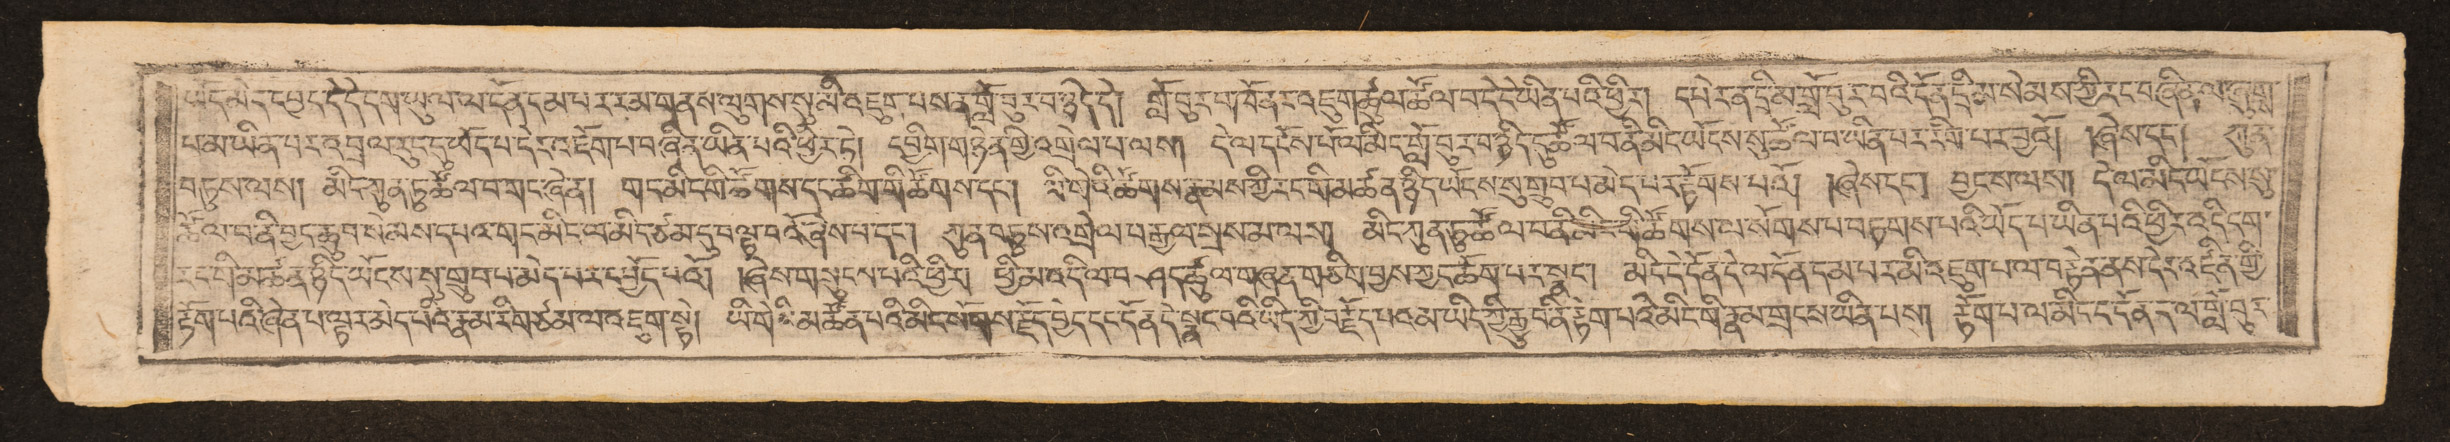ཡོད་མེད་དཔྱད་དེ་དེ་དག་ཡུལ་ལ་དོན་དམ་པར་རམ་གནས་ལུགས་སུ་མི་འཇུག་པས་ན་གློ་བུར་པ་ཉིད་དེ། གློ་བུར་བ་ཁོ་ནར་འཇུག་ཚུལ་ཚོལ་བ་དེ་དེ་ཡིན་པའི་ཕྱིར། དཔེར་ན་དྲི་མ་གློ་བུར་བའི་དོན་དྲི་མ་སེམས་ཀྱི་རང་བཞིན་ལ་ཞུགས་
པ་མ་ཡིན་པར་འབྲལ་རུང་དུ་ཡོད་པ་དེར་འཇོག་པ་བཞིན་ཡིན་པའི་ཕྱིར་ཏེ། དབྱིག་གཉེན་གྱི་འགྲེལ་པ་ལས། དེ་ལ་དངོས་པོ་ལ་མིང་གློ་བུར་བ་ཉིད་དུ་ཚོལ་བ་ནི་མིང་ཡོངས་སུ་ཚོལ་བ་ཡིན་པར་རིག་པར་བྱའོ། །ཞེས་དང་། ཀུན་
བཏུས་ལས། མིང་ཀུན་ཏུ་ཚོལ་བ་གང་ཞེ་ན། གང་མིང་གི་ཚོགས་དང་ཚིག་གི་ཚོགས་དང་། ཡི་གེའི་ཚོགས་རྣམས་ཀྱི་རང་གི་མཚན་ཉིད་ཡོངས་སུ་གྲུབ་པ་མེད་པར་རྟོགས་པའོ། །ཞེས་དང་། བྱང་ས་ལས། དེ་ལ་མིང་ཡོངས་སུ་
ཚོལ་བ་ནི་བྱང་ཆུབ་སེམས་དཔའ་གང་མིང་ལ་མིང་ཙམ་དུ་བལྟ་བའོ་ཞེས་པ་དང་། ཀུན་བཏུས་འགྲེལ་བ་རྒྱལ་སྲས་མ་ལས། མིང་ཀུན་ཏུ་ཚོལ་བ་ནི་མིང་གི་ཚོགས་ལ་སོགས་པ་བཏགས་པའི་ཡོད་པ་ཡིན་པའི་ཕྱིར་འདི་དག་
རང་གི་མཚན་ཉིད་ཡོངས་སུ་གྲུབ་པ་མེད་པར་དཔྱོད་པའོ། །ཞེས་གསུངས་པའི་ཕྱིར། ཕྱི་མ་འདི་ལ་བཤད་ཚུལ་གཞན་གཅིག་བྱས་ཀྱང་ཆོག་པར་སྣང་། མིང་དེ་དོན་དེ་ལ་དོན་དམ་པར་མི་འཇུག་པ་ལ་བརྟེན་ནས་དེར་འཛིན་གྱི་
རྟོག་པའི་ཞེན་པ་ལྟར་མེད་པའི་རྣམ་རིག་ཙམ་ལ་འཇུག་སྟེ། ཡི་གེའི་མཚོན་པའི་མིང་སོགས་རྗོད་བྱེད་དང་དོན་དེ་སྣང་བའི་ཡིད་ཀྱི་བརྗོད་པའམ་ཡིད་ཀྱི་རྒྱུ་བ་ནི་རྟེག་པའི་མིང་གི་རྣམ་གྲངས་ཡིན་པས། རྟོག་པ་ལ་མིང་ང་དོན་ད་ལ་གློ་བུར་